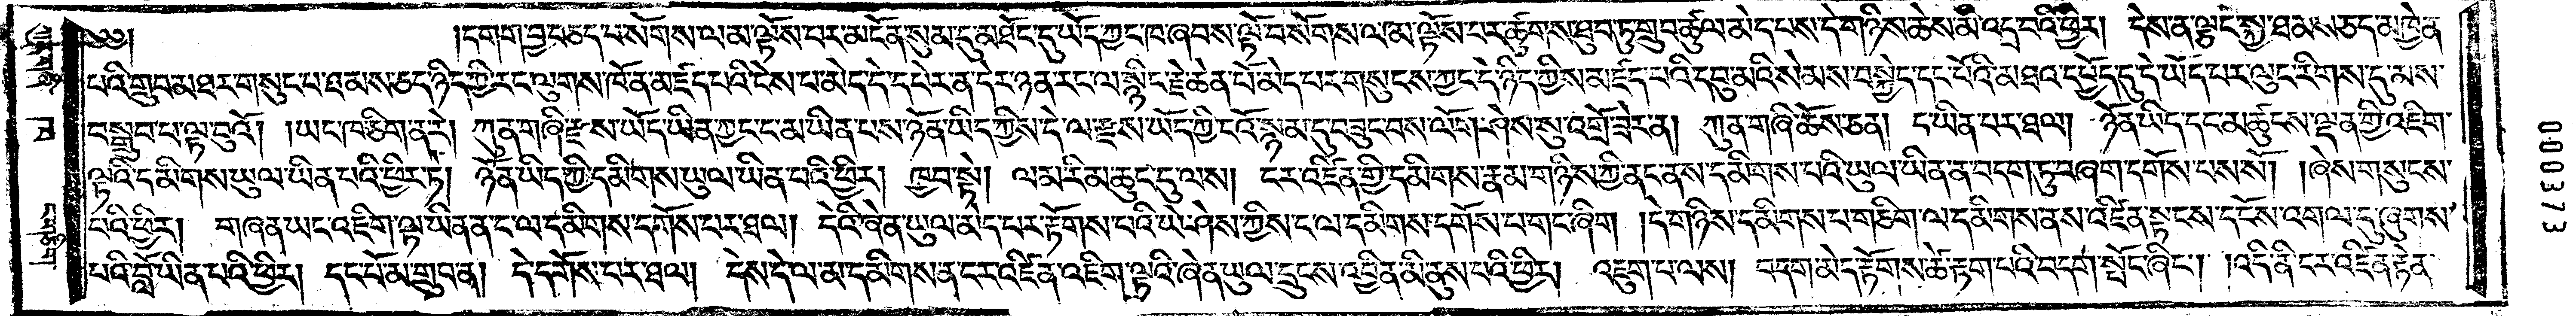༄༅། །དགག་བྱ་བཅད་པ་སོགས་ལམ་ལྟོས་པར་མངོན་སུམ་དུ་མཐོང་དུ་ཡོད་ཀྱང་ཁ་ཞབས་ལྟོ་བ་སོགས་ལམ་ལྟོས་པར་ཚུགས་ཐུབ་ཏུ་གྲུབ་ཚུལ་མེད་པས་དེ་གཉིས་ཆེས་མི་འདྲ་བའི་ཕྱིར། དེས་ན་ལྕང་སྐྱ་ཐམས་ཅད་མཁྱེན་
པའི་གྲུབ་མཐར་གསུང་པ་ཐམས་ཅད་ཉིད་ཀྱི་རང་ལུགས་ཁོ་ན་མཛད་པའི་ངེས་པ་མེད་དེ་དཔེར་ན་དེར་ཉན་རང་ལ་སྙིང་རྗེ་ཆེན་པོ་མེད་པར་གསུངས་ཀྱང་དེ་ཉིད་ཀྱིས་མཛད་པའི་དབུ་མའི་སེམས་བསྐྱེད་དང་པོའི་མཐའ་དཔྱོད་དུ་དེ་ཡོད་པར་ལུང་རིགས་དུ་མས་
བསྒྲུབ་པ་ལྟ་བུའོ། །ཡང་ཁ་ཅིག་ན་རེ། ཀུན་གཞི་རྫས་ཡོད་ཡིན་ཀྱང་ང་མ་ཡིན་པས་ཉོན་ཡིད་ཀྱིས་དེ་ལ་རྫས་ཡོད་ཀྱི་ངའོ་སྙམ་དུ་བཟུང་བས་ལོག་ཤེས་སུ་འགྲོ་ཟེར་ན། ཀུན་གཞི་ཆོས་ཅན། ང་ཡིན་པར་ཐལ། ཉོན་ཡིད་དང་མཚུངས་ལྡན་གྱི་འཇིག་
ལྟའི་དམིགས་ཡུལ་ཡིན་པའི་ཕྱིར་ཏེ། ཉོན་ཡིད་ཀྱི་དམིགས་ཡུལ་ཡིན་པའི་ཕྱིར། ཁྱབ་སྟེ། ལམ་རིམ་ཆུང་ངུ་ལས། ངར་འཛིན་གྱི་དམིགས་རྣམ་གཉིས་ཀྱི་ནང་ནས་དམིགས་པའི་ཡུལ་ཡིན་ན་བདག་ཏུ་བཞག་དགོས་པས་སོ། །ཞེས་གསུངས་
བའི་ཕྱིར། གཞན་ཡང་འཇིག་ལྟ་ཡིན་ན་ང་ལ་དམིགས་དགོས་པར་ཐལ། དེའི་ཞེན་ཡུལ་མེད་པར་རྟོགས་པའི་ཡེ་ཤེས་ཀྱིས་ང་ལ་དམིགས་དགོས་ལ་གང་ཞིག །དེ་གཉིས་དམིགས་པ་གཅིག་ལ་དམིགས་ནས་འཛིན་སྟངས་དངོས་འགལ་དུ་ཞུགས་
པའི་བློ་ཡིན་པའི་ཕྱིར། དང་པོ་མ་གྲུབ་ན། དེ་དགོས་པར་ཐལ། དེས་དེ་ལ་མ་དམིགས་ན་ངར་འཛིན་འཇིག་ལྟའི་ཞེན་ཡུལ་དྲུངས་འབྱིན་མི་ནུས་པའི་ཕྱིར། འཇུག་པ་ལས། བདག་མེད་རྟོགས་ཚེ་རྟག་པའི་བདག་སྤོང་ཞིང་། །འདི་ནི་ངར་འཇིག་རྟེན་